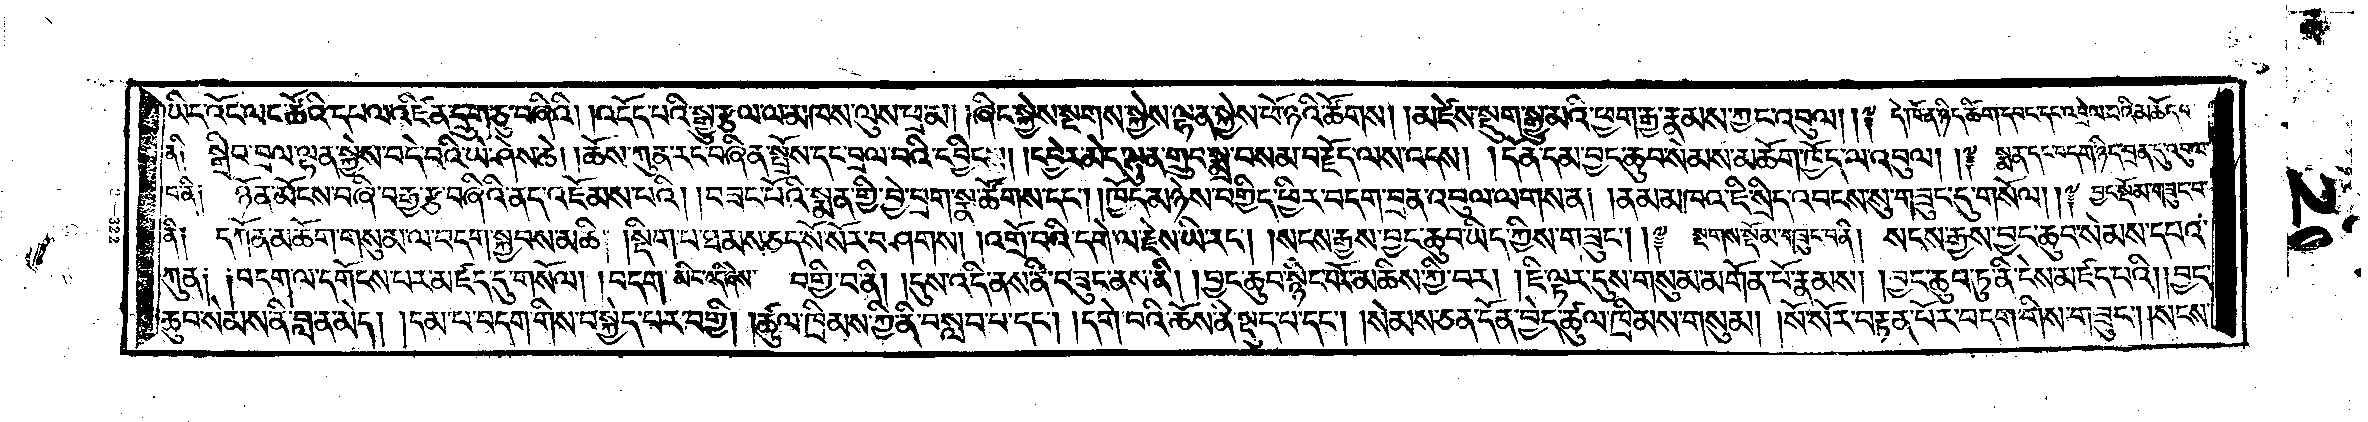ཡིད་འོང་ལང་ཚོའི་དཔལ་འཛིན་དྲུག་ཅུ་བཞིའི། །འདོད་པའི་སྒྱུ་རྩལ་ལ་མཁས་ལུས་ཕྲ་མ། །ཞིང་སྐྱེས་སྔགས་སྐྱེས་ལྷན་སྐྱེས་ཕོ་ཉའི་ཚོགས། །མཛེས་སྡུག་སྒྱུ་མའི་ཕྱག་རྒྱ་རྣམས་ཀྱང་འབུལ། །༈ དེ་ཁོ་ན་ཉིད་ཚིག་དབང་དང་འབྲེལ་བའི་མཆོད་པ་
ནི༑ སྒྲིབ་བྲལ་ལྷན་སྐྱེས་བདེ་བའི་ཡེ་ཤེས་ཆེ། །ཆོས་ཀུན་རང་བཞིན་སྤྲོས་དང་བྲལ་བའི་དབྱིངས། །དབྱེར་མེད་ལྷུན་གྲུབ་སྨྲ་བསམ་བརྗོད་ལས་འདས། །དོན་དམ་བྱང་ཆུབ་སེམས་མཆོག་ཁྱོད་ལ་འབུལ། །༈ སྨན་དང་བདག་ཉིད་བྲན་དུ་འབུལ་
བ་ནི༑ ཉོན་མོངས་བཞི་བརྒྱ་རྩ་བཞིའི་ནད་འཇོམས་པའི། །བཟང་པོའི་སྨན་གྱི་བྱེ་བྲག་སྣ་ཚོགས་དང་། །ཁྱོད་མཉེས་བགྱིད་ཕྱིར་བདག་བྲན་འབུལ་ལགས་ན། །ནམ་མཁའ་ཇི་སྲིད་འབངས་སུ་གཟུང་དུ་གསོལ། །༈ བྱང་སྡོམ་གཟུང་བ་
ནི༑ དཀོན་མཆོག་གསུམ་ལ་བདག་སྐྱབས་མཆི། །སྡིག་པ་ཐམས་ཅད་སོ་སོར་བཤགས། །འགྲོ་བའི་དགེ་ལ་རྗེས་ཡི་རང་། །སངས་རྒྱས་བྱང་ཆུབ་ཡིད་ཀྱིས་གཟུང་། །༈ སྔགས་སྡོམ་གཟུང་བ་ནི།  སངས་རྒྱས་བྱང་ཆུབ་སེམས་དཔའ་
ཀུན༑ ༑བདག་ལ་དགོངས་པར་མཛད་དུ་གསོལ། །བདག་མིང་འདི་ཞེས་བགྱི་བ་ནི། །དུས་འདི་ནས་ནི་བཟུང་ནས་ནི། །བྱང་ཆུབ་སྙིང་བོར་མཆིས་ཀྱི་བར། །ཇི་ལྟར་དུས་གསུམ་མགོན་པོ་རྣམས། །བྱང་ཆུབ་ཏུ་ནི་ངེས་མཛད་པའི། །བྱང་
ཆུབ་སེམས་ནི་བླ་ན་མེད། །དམ་པ་བདག་གིས་བསྐྱེད་པར་བགྱི། །ཚུལ་ཁྲིམས་ཀྱི་ནི་བསླབ་པ་དང་། །དགེ་བའི་ཆོས་ནི་སྡུད་པ་དང་། །སེམས་ཅན་དོན་བྱེད་ཚུལ་ཁྲིམས་གསུམ། །སོ་སོར་བརྟན་པོར་བདག་གིས་གཟུང་། །སངས་